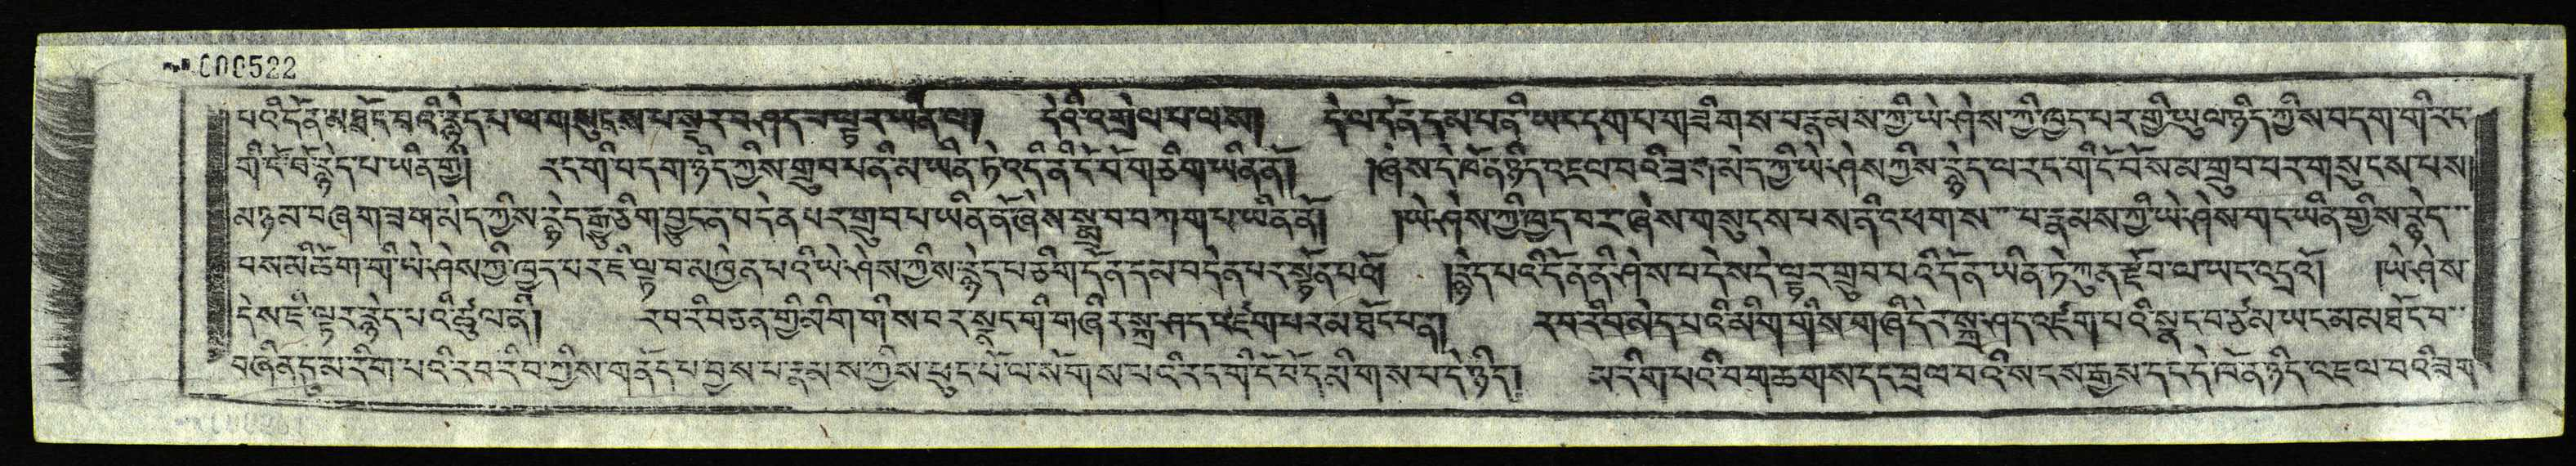པའི་དོན་མཐོང་བའི་རྙེད་པ་ལ་གསུངས་པ་སྔར་བཤད་པ་ལྟར་ཡིན་ལ། དེའི་འགྲེལ་པ་ལས། དེ་ལ་དོན་དམ་པ་ནི་ཡང་དག་པ་གཟིགས་པ་རྣམས་ཀྱི་ཡེ་ཤེས་ཀྱི་ཁྱད་པར་གྱི་ཡུལ་ཉིད་ཀྱིས་བདག་གི་རང་
གི་ངོ་བོ་རྙེད་པ་ཡིན་གྱི། རང་གི་བདག་ཉིད་ཀྱིས་གྲུབ་པ་ནི་མ་ཡིན་ཏེ་འདི་ནི་ངོ་བོ་གཅིག་ཡིན་ནོ། །ཞེས་དེ་ཁོ་ན་ཉིད་འཇལ་བའི་ཟག་མེད་ཀྱི་ཡེ་ཤེས་ཀྱིས་རྙེད་ལ་རང་གི་ངོ་བོས་མ་གྲུབ་པར་གསུངས་པས།
མཉམ་བཞག་ཟག་མེད་ཀྱིས་རྙེད་རྒྱུ་ཅིག་བྱུང་ན་བདེན་པར་གྲུབ་པ་ཡིན་ནོ་ཞེས་སྨྲ་བ་བཀག་པ་ཡིན་ནོ། །ཡེ་ཤེས་ཀྱི་ཁྱད་པར་ཞེས་གསུངས་པས་ནི་འཕགས་པ་རྣམས་ཀྱི་ཡེ་ཤེས་གང་ཡིན་གྱིས་རྙེད་
པས་མི་ཆོག་གི་ཡེ་ཤེས་ཀྱི་ཁྱད་པར་ཇི་ལྟ་བ་མཁྱེན་པའི་ཡེ་ཤེས་ཀྱིས་རྙེད་པ་ཅིག་དོན་དམ་བདེན་པར་སྟོན་པའོ། །རྙེད་པའི་དོན་ནི་ཤེས་པ་དེས་དེ་ལྟར་གྲུབ་པའི་དོན་ཡིན་ཏེ་ཀུན་རྫོབ་ལ་ཡང་འདྲའོ། །ཡེ་ཤེས་
དེས་ཇི་ལྟར་རྙེད་པའི་ཚུལ་ནི། རབ་རིབ་ཅན་གྱི་མིག་གིས་བར་སྣང་གི་གཞིར་སྐྲ་ཤད་འཛག་པར་མཐོང་བ་ན། རབ་རིབ་མེད་པའི་མིག་གིས་གཞི་དེར་སྐྲ་ཤད་འཛག་པའི་སྣང་བ་ཙམ་ཡང་མ་མཐོང་བ་
བཞིན་དུ་མ་རིག་པའི་རབ་རིབ་ཀྱིས་གནོད་པ་བྱས་པ་རྣམས་ཀྱིས་ཕུང་པོ་ལ་སོགས་པའི་རང་གི་ངོ་བོ་དམིགས་པ་དེ་ཉིད། མ་རིག་པའི་བག་ཆགས་དྲང་བྲལ་བའི་སངས་རྒྱས་དང་དེ་ཁོ་ན་ཉིད་འཇལ་བའི་ཟག་